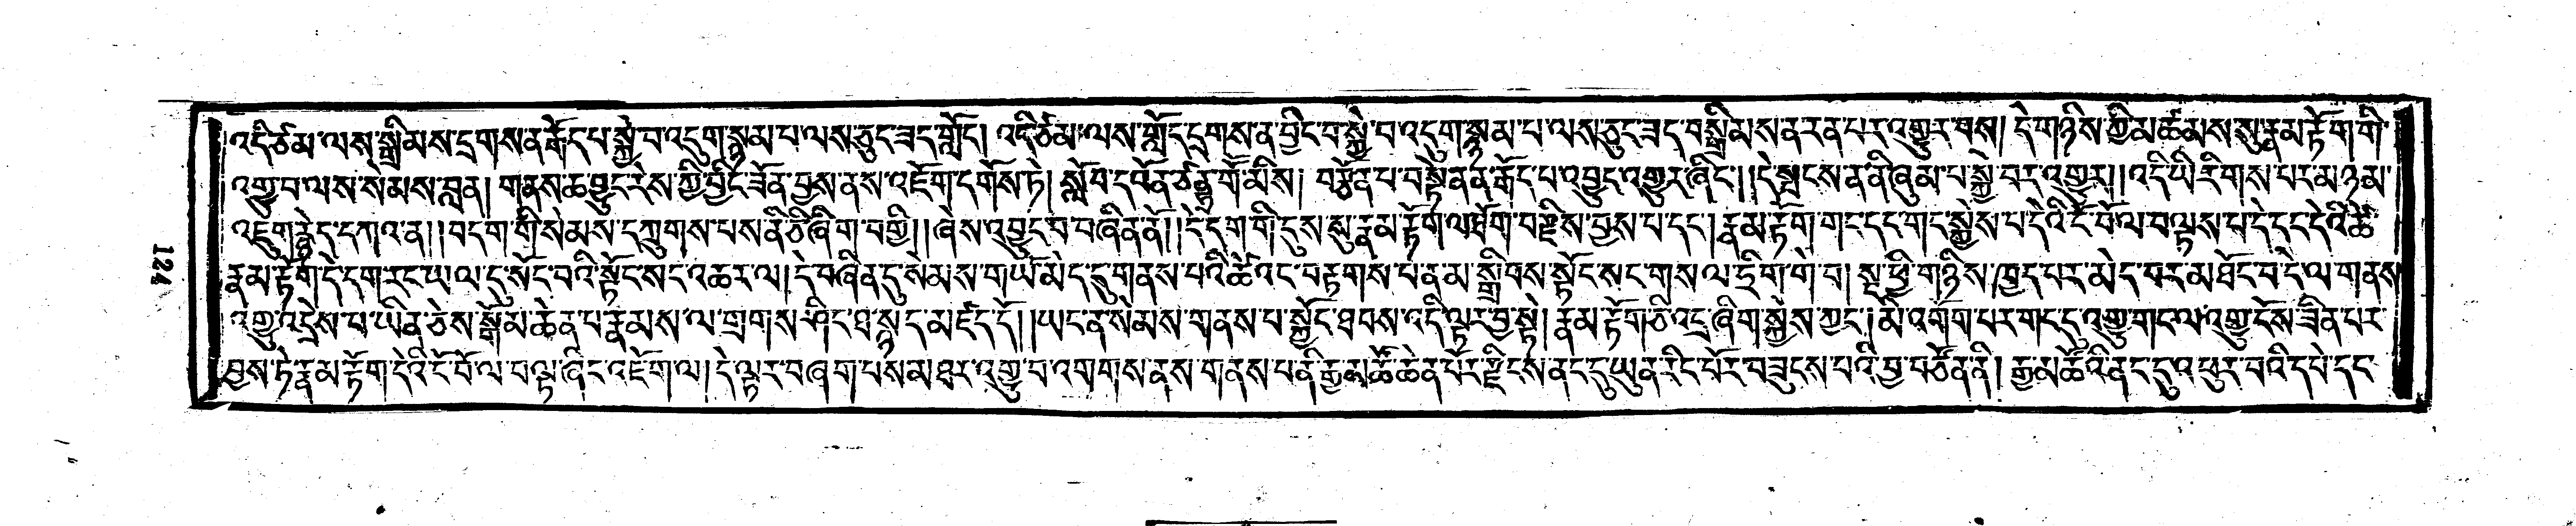འདི་ཙམ་ལས་སྒྲིམས་དྲགས་ན་རྒོད་པ་སྐྱེ་བ་འདུག་སྙམ་པ་ལས་ཅུང་ཟད་གློད། འདི་ཙམ་ལས་གློད་དྲགས་ན་བྱིང་བ་སྐྱེ་བ་འདུག་སྙམ་པ་ལས་ཅུང་ཟད་བསྒྲིམས་ན་རན་པར་འགྱུར་བས། དེ་གཉིས་ཀྱི་མཚམས་སུ་རྣམ་རྟོག་གི་
འགྱུ་བ་ལས་སེམས་བླན། གནས་ཆ་བྱུང་རེས་ཀྱི་བྱིང་ཟོན་བྱས་ནས་འཇོག་དགོས་ཏེ། སློབ་དཔོན་ཙནྟྲ་གོ་མིས། བརྩོན་པ་བསྟེན་ན་རྒོད་པ་འབྱུང་འགྱུར་ཞིང་། །དེ་སྤངས་ན་ནི་ཞུམ་པ་སྐྱེ་བར་འགྱུར། །འདི་ཡི་རིགས་པར་མཉམ་
འཇུག་རྙེད་དཀའ་ན། །བདག་གི་སེམས་དཀྲུགས་པས་ནི་ཅི་ཞིག་བགྱི། །ཞེས་འབྱུང་བ་བཞིན་ནོ། །དེ་དག་གི་དུས་སུ་རྣམ་རྟོག་ལ་ཐོག་བརྫིས་བྱས་པ་དང་། རྣམ་རྟོག་གང་དང་གང་སྐྱེས་པ་དེའི་ངོ་བོ་ལ་བལྟས་པ་དེ་དང་དེའི་ཚེ་
རྣམ་རྟོག་དེ་དག་རང་ཡུལ་དུ་སོང་བའི་སྟོང་སང་འཆར་ལ། དེ་བཞིན་དུ་སེམས་གཡོ་མེད་དུ་གནས་པའི་ཚེའང་བརྟགས་པ་ན་མ་སྒྲིབས་སྟོང་སང་གསལ་ཧྲིག་གེ་བ། སྔ་ཕྱི་གཉིས་ཁྱད་པར་མེད་པར་མཐོང་བ་དེ་ལ་གནས་
འགྱུ་འདྲེས་པ་ཡིན་ཅེས་སྒོམ་ཆེན་པ་རྣམས་ལ་གྲགས་ཤིང་ཐ་སྙད་མཛད་དོ། །ཡང་ན་སེམས་གནས་པ་སྐྱོང་ཐབས་འདི་ལྟར་བྱ་སྟེ། རྣམ་རྟོག་ཅི་འདྲ་ཞིག་སྐྱེས་ཀྱང་། མི་འགོག་པར་གང་དུ་འགྱུ་གང་ལ་འགྱུ་ངོས་ཟིན་པར་
བྱས་ཏེ་རྣམ་རྟོག་དེའི་ངོ་བོ་ལ་བལྟ་ཞིང་འཇོག་ལ། དེ་ལྟར་བཞག་པས་མཐར་འགྱུ་བ་འགགས་ནས་གནས་པ་ནི་རྒྱ་མཚོ་ཆེན་པོར་རྫིངས་ནང་དུ་ཡུན་རིང་པོར་བཟུངས་པའི་བྱ་བཙོན་ནི། རྒྱ་མཚོའི་ནང་དུ་འཕུར་བའི་དཔེ་དང་